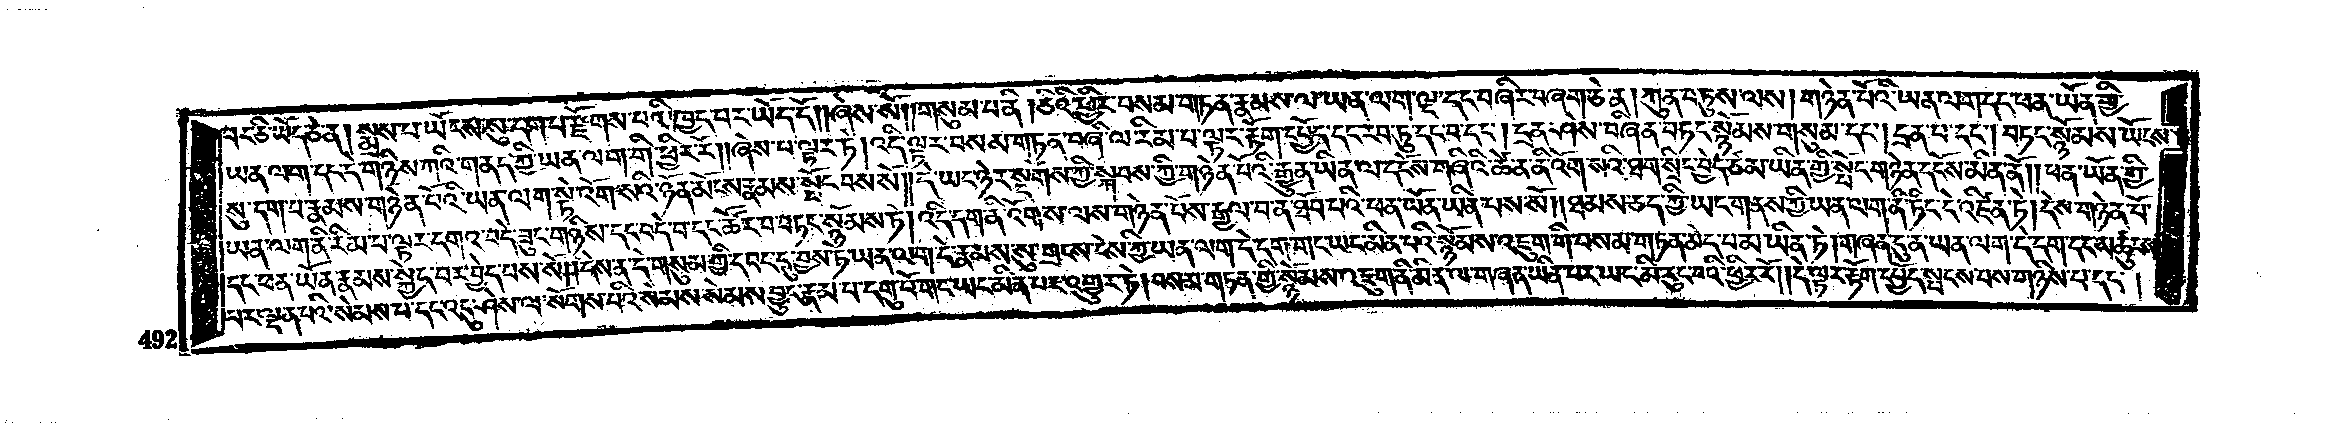པར་ཅི་ཡོད་ཅེ་ན། སྨྲས་པ་ཡོངས་སུ་དག་པ་རྫོགས་པའི་ཁྱད་པར་ཡོད་དོ། །ཞེས་སོ། །གསུམ་པ་ནི། ཅིའི་ཕྱིར་བསམ་གཏན་རྣམས་ལ་ཡན་ལག་ལྔ་དང་བཞིར་བཞག་ཅེ་ན། ཀུན་བཏུས་ལས། གཉེན་པོའི་ཡན་ལག་དང་ཕན་ཡོན་གྱི་
ཡན་ལག་དང་དེ་གཉིས་ཀའི་གནད་ཀྱི་ཡན་ལག་གི་ཕྱིར་རོ། །ཞེས་པ་ལྟར་ཏེ། འདི་ལྟར་བསམ་གཏན་བཞི་ལ་རིམ་པ་ལྟར་རྟོག་དཔྱོད་དང་རབ་ཏུ་དང་བ་དང་། དྲན་ཤེས་བཞིན་བཏང་སྙོམས་གསུམ་དང་། དྲན་པ་དང་། བཏང་སྙོམས་ཡོངས་
སུ་དག་པ་རྣམས་གཉེན་པོའི་ཡན་ལག་སྟེ་འོག་སའི་ཉོན་མོངས་རྣམས་སྤོང་བས་སོ། །དེ་ཡང་ཉེར་སྡོགས་ཀྱི་སྐབས་ཀྱི་གཉེན་པོའི་རྒྱུན་ཡིན་ལ་དངོས་གཞིའི་ཚེ་ན་ནི་འོག་སའི་ཐག་སྲིད་བྱེད་ཙམ་ཡིན་གྱི་སྤོང་གཉེན་དངོས་མིན་ནོ། །ཕན་ཡོན་གྱི་
ཡན་ལག་ནི་རིམ་པ་ལྟར་དགའ་བདེ་ཟུང་གཉིས་དང་བདེ་བ་དང་ཚོར་བ་བཏང་སྙོམས་ཏེ། འདི་དག་ནི་འོག་ས་ལས་གཉེན་པོས་རྒྱལ་བ་ན་ཐོབ་པའི་ཕན་ཡོན་ཡིན་པས་སོ། །ཐམས་ཅད་ཀྱི་ཡང་གནས་ཀྱི་ཡན་ལག་ནི་ཏིང་ངེ་འཛིན་ཏེ། དེས་གཉེན་པོ་
དང་ཕན་ཡོན་རྣམས་སྐྱེད་པར་བྱེད་པས་སོ། །དེས་ན་དེ་གསུམ་གྱི་དབང་དུ་བྱས་ཏེ་ཡང་ལག་དེ་རྣམས་སུ་གྲངས་ངེས་ཀྱི་ཡན་ལག་དེ་དག་གང་ཡང་མིན་པའི་སྙོམས་འཇུག་གི་བསམ་གཏན་མེད་པ་མ་ཡིན་ཏེ། གཞན་དུ་ན་ཡན་ལག་དེ་དག་དང་མཚུངས་
པར་ལྡན་པའི་སེམས་པ་དང་འདུ་ཤེས་ལ་སོགས་པའི་སེམས་སེམས་བྱུང་རྣམ་པ་དགུ་པོ་གང་ཡང་མིན་པར་འགྱུར་ཏེ། བསམ་གཏན་གྱི་སྙོམས་འཇུག་ནི་མིན་ལ་གཞན་ཡིན་པར་ཡང་མི་རུང་བའི་ཕྱིར་རོ། །དེ་ལྟར་རྟོག་དཔྱོད་སྤངས་པས་གཉིས་པ་དང་།